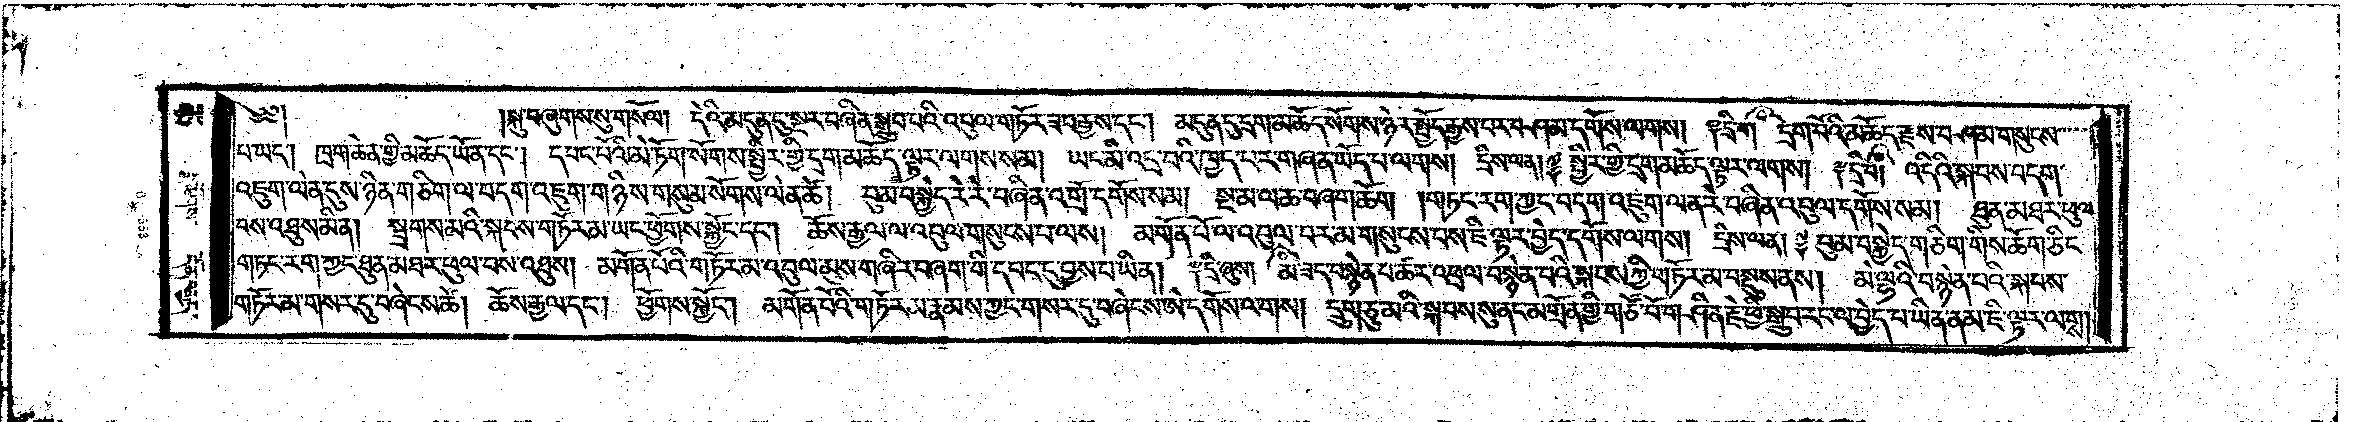༄༅། །སྐུ་བཞུགས་སུ་གསོལ། དེའི་མདུན་དུ་སྔར་བཞིན་སྒྲུབ་པའི་འབུལ་གཏོར་ཟབ་རྒྱས་དང་། མདུན་དུ་དྲག་མཆོད་སོགས་ཉེར་སྤྱོད་རྒྱས་པར་བཤམ་དགོས་ལགས། ༈ དྲི་བ།  ༼྾༽ དྲག་པོའི་མཆོད་རྫས་བཤམ་གསུངས་
ཕ༹པ་ཡང་། ཁྲག་ཆེན་གྱི་མཆོད་ཡོན་དང་། དབང་པོའི་མེ་ཏོག་སོགས་སྤྱིར་གྱི་དྲག་མཆོད་ལྟར་ལགས་སམ། ཡང་མི་འདྲ་བའི་ཁྱད་པར་གཞན་ཡོད་པ་ལགས། དྲིས་ལན།  ༈ སྤྱིར་གྱི་དྲག་མཆོད་ལྟར་ལགས། ༈ དྲི་བ།  ༼྾༽ འདིའི་སྐབས་བདག་
འཇུག་ལེན་དུས་ཉིན་གཅིག་ལ་བདག་འཇུག་གཉིས་གསུམ་སོགས་ལེན་ཚེ། བུམ་བསྐྱེད་རེ་རེ་བཞིན་འགྲོ་དགོས་སམ། སྔ་མ་ལ་ཆ་བཞག་ཆོག །གཏང་རག་ཀྱང་བདག་འཇུག་ལན་རེ་བཞིན་འབུལ་དགོས་སམ། ཐུན་མཐར་ཕུལ་
ཕ༹བས་འཐུས་མིན། སྦྲས་མའི་སྐབས་གཏོར་མ་ཡང་ཕྱོགས་སྐྱོང་དང་། ཆོས་རྒྱལ་ལ་འབུལ་གསུངས་པ་ལས། མགོན་པོ་ལ་འབུལ་བར་མ་གསུངས་པས་ཇི་ལྟར་བྱེད་དགོས་ལགས། དྲིས་ལན།  ༈ བུམ་བསྐྱེད་གཅིག་གིས་ཆོག་ཅིང་
ཕ༹གཏང་རག་ཀྱང་ཐུན་མཐར་ཕུལ་བས་འཐུས། མགོན་པོའི་གཏོར་མ་འབུལ་མུས་གཞིར་བཞག་གི་དབང་དུ་བྱས་པ་ཡིན། ༈ དྲི་ཞུས།  ༼྾༽ མ་ཟད་བསྙེན་པ་ཚར་འཕྲལ་བསྙེན་པའི་སྐབས་ཀྱི་གཏོར་མ་བསྡུས་ནས། མེ་ལྷའི་བསྙེན་པའི་སྐབས་
ཕ༹གཏོར་མ་གསར་དུ་བཞེངས་ཚེ། ཆོས་རྒྱལ་དང་། ཕྱོགས་སྐྱོང་། མགོན་པོའི་གཏོར་ལ་རྣམས་ཀྱང་གསར་དུ་བཞེངས་ཨེ་དགོས་ལགས། དྲུག་ཅུ་མའི་སྐབས་སུ་ནང་མགྲོན་གྱི་གཙོ་བོ་གཤིན་རྗེ་ཕྱི་སྒྲུབ་རང་ལ་བྱེད་པ་ཡིན་ནམ་ཇི་ལྟར་ལགས།
ཕ༹་